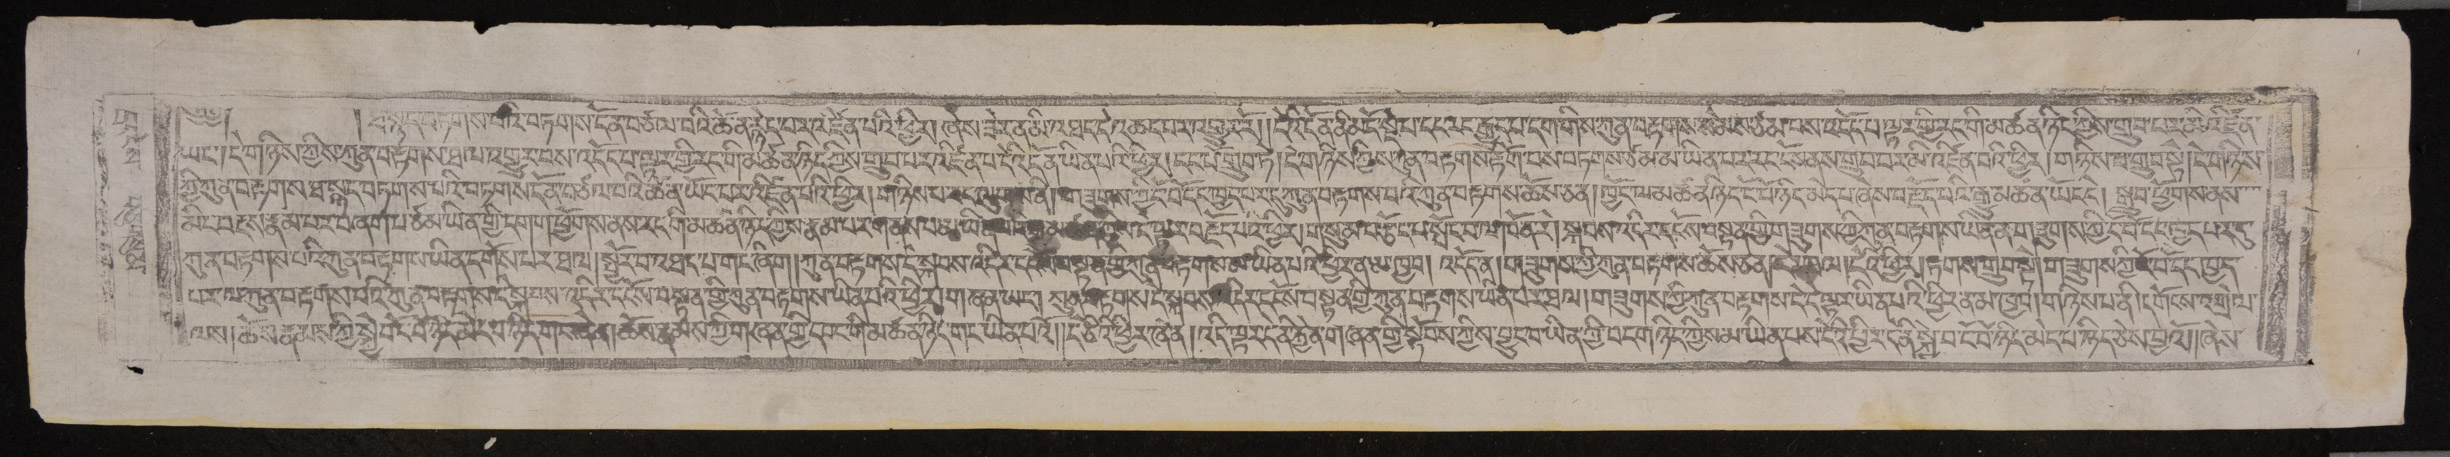༄༅། །ཐ་སྙད་བཏགས་པའི་བཏགས་དོན་བཙལ་བའི་ཚེ་ན་རྙེད་པར་འཛིན་པའི་ཕྱིར། ཞེས་ཟེར་ན་མི་འཐད་དེ་འཆད་པར་འགྱུར་རོ། །དེའི་དོན་ནི་མདོ་སྡེ་པ་དང་རང་རྒྱུད་པ་དག་གིས་ཀུན་བརྟགས་སེམས་ཙམ་པས་འདོད་པ་ལྟར་གྱི་རང་གི་མཚན་ཉིད་ཀྱིས་གྲུབ་པར་མི་འཛིན་
ཡང་། དེ་གཉིས་ཀྱིས་ཀུན་བརྟགས་ཐལ་འགྱུར་བས་འདོད་པ་ལྟར་གྱི་རང་གི་མཚན་ཉིད་ཀྱིས་གྲུབ་པར་འཛིན་པ་དེའི་དོན་ཡིན་པའི་ཕྱིར། དང་པོ་གྲུབ་སྟེ། དེ་གཉིས་ཀྱིས་ཀུན་བརྟགས་རྟོག་པས་བཏགས་ཙམ་མ་ཡིན་པར་རང་ངོས་ནས་གྲུབ་པར་མི་འཛིན་པའི་ཕྱིར། གཉིས་པ་གྲུབ་སྟེ། དེ་གཉིས་
ཀྱི་ཀུན་བརྟགས་ཐ་སྙད་བཏགས་པའི་བཏགས་དོན་བཙལ་བའི་ཚེ་ན་ཡོད་པར་འཛིན་པའི་ཕྱིར། གཉིས་པ་རང་ལུགས་ནི། གཟུགས་ཀྱི་ངོ་བོ་དང་ཁྱད་པར་དུ་ཀུན་བརྟགས་པའི་ཀུན་བརྟགས་ཆོས་ཅན། ཁྱོད་ལ་མཚན་ཉིད་ངོ་བོ་ཉིད་མེད་པ་ཞེས་བརྗོད་པའི་རྒྱུ་མཚན་ཡོད་དེ། སྒྲུབ་ཕྱོགས་ནས་
མིང་བརྡས་རྣམ་པར་བཞག་པ་ཙམ་ཡིན་གྱི་དགག་ཕྱོགས་ནས་རང་གི་མཚན་ཉིད་ཀྱིས་རྣམ་པར་གནས་པ་མ་ཡིན་པའི་རྒྱུ་མཚན་ཀྱིས་དེ་ལྟར་བརྗོད་པའི་ཕྱིར། གསུམ་པ་རྩོད་པ་སྤོང་བ་ལ་ཁོ་ན་རེ། སྐབས་འདིར་དངོས་བསྟན་གྱི་གཟུགས་ཀྱི་ཀུན་བརྟགས་ཡིན་ན་གཟུགས་ཀྱི་ངོ་བོ་དང་ཁྱད་པར་དུ་
ཀུན་བརྟགས་པའི་ཀུན་བརྟགས་ཡིན་དགོས་པར་ཐལ། སྦྱོར་བ་འཐད་པ་གང་ཞིག། ཀུན་བརྟགས་དེ་སྐབས་འདིར་དངོས་བསྟན་གྱི་ཀུན་བརྟགས་མ་ཡིན་པའི་ཕྱིར་ན་མ་ཁྱབ། འདོད་ན། གཟུགས་ཀྱི་ཀུན་བརྟགས་ཆོས་ཅན། དེར་ཐལ། དེའི་ཕྱིར། རྟགས་གྲུབ་སྟེ། གཟུགས་ཀྱི་ངོ་བོ་དང་ཁྱད་
པར་ལ་ཀུན་བརྟགས་པའི་ཀུན་བརྟགས་དེ་སྐབས་འདིར་དངོས་བསྟན་གྱི་ཀུན་བརྟགས་ཡིན་པའི་ཕྱིར། གཞན་ཡང་། ཀུན་བརྟགས་དེ་སྐབས་འདིར་དངོས་བསྟན་གྱི་ཀུན་བརྟགས་ཡིན་པར་ཐལ། གཟུགས་ཀྱི་ཀུན་བརྟགས་དེ་དེ་ལྟར་ཡིན་པའི་ཕྱིར་ན་མ་ཁྱབ། གཉིས་པ་ནི། དགོངས་འགྲེལ་
ལས། ཆོས་རྣམས་ཀྱི་སྐྱེ་བ་ངོ་བོ་ཉིད་མེད་པ་ཉིད་གང་ཞེ་ན། ཆོས་རྣམས་ཀྱི་གཞན་གྱི་དབང་གི་མཚན་ཉིད་གང་ཡིན་པའོ། །དེ་ཅིའི་ཕྱིར་ཞེ་ན། འདི་ལྟར་དེ་ནི་རྐྱེན་གཞན་གྱི་སྟོབས་ཀྱིས་བྱུང་བ་ཡིན་གྱི་བདག་ཉིད་ཀྱིས་མ་ཡིན་པས་དེའི་ཕྱིར་དེ་ནི་སྐྱེ་བ་ངོ་བོ་ཉིད་མེད་པ་ཉིད་ཅེས་བྱའོ། །ཞེས་